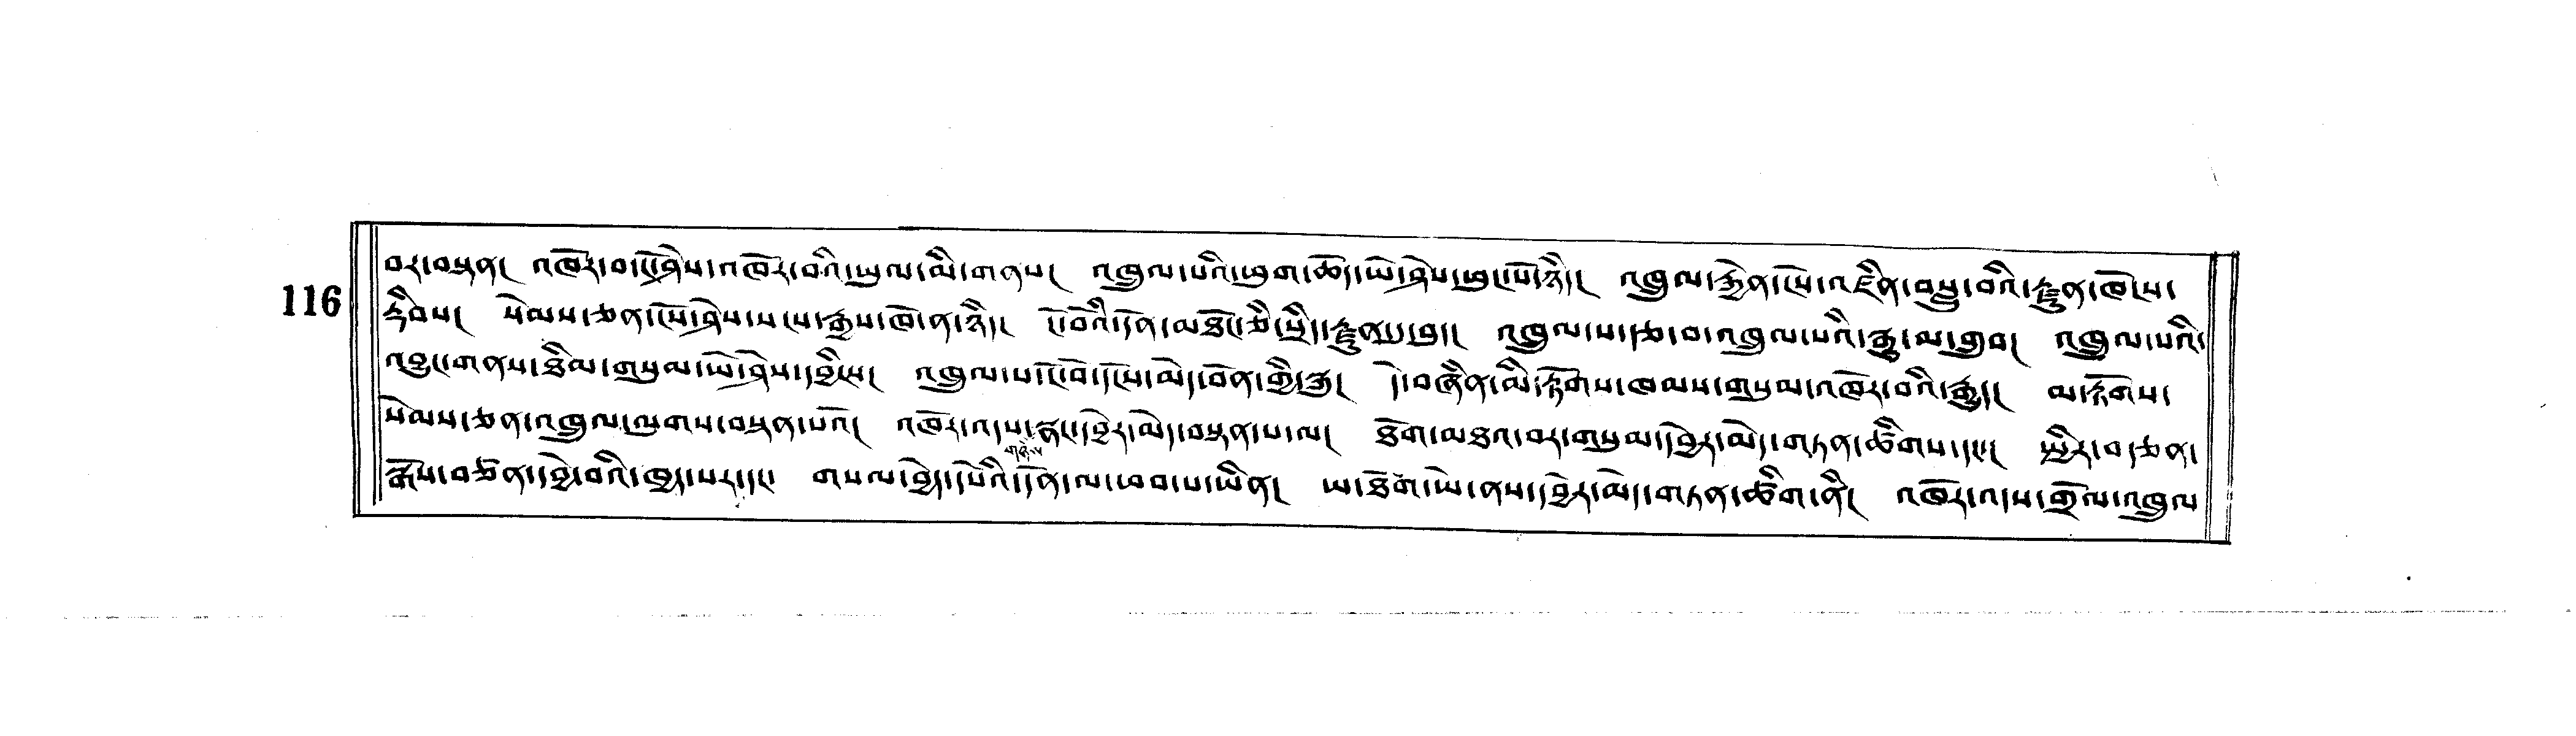བར་བསྟན། འཁོར་བ་ངོ་ཤེས་འཁོར་བའི་ཡུལ་མི་གནས། འཁྲུལ་པའི་ཕུག་ཆོད་ཡེ་ཤེས་ཕུང་པོ་ཉིད། འཁྲུལ་རྐྱེན་ངོས་འཛིན་བསླུ་བའི་རྫུན་ཁོངས་
རྡིབས། སེམས་ཅན་ངོ་ཤེས་སངས་རྒྱས་ཁོ་ན་ཉིད། ངོ་བོའི་དོན་མཐོང་ཅི་སྲིད་རྫུན་དུ་བུད། འཁྲུལ་པ་རྩ་བ་འཁྲུལ་པའི་རྒྱུ་མ་གྲུབ། འཁྲུལ་པའི་
འབྱུང་གནས་ཐིམ་གསུམ་ཡེ་ཤེས་དབྱིངས། འཁྲུལ་པ་ངོ་བོ་དངོས་མེད་བོན་གྱི་སྐུ། དེ་བཞིན་མི་རྟོག་ཁམས་གསུམ་འཁོར་བའི་རྒྱུ། མ་རྟོགས་
སེམས་ཅན་འཁྲུལ་ལུགས་བསྟན་པའོ། འཁོར་འདས་གཉིས་སྣང་དབྱེར་མེད་བསྟན་པ་ལ། ཐོག་མཐའ་བར་གསུམ་དབྱེར་མེད་གཏན་ཚིགས་དང་། སྤྱི་བཙན་
སྒོས་བཙན་དབྱེ་བའི་ཁྱད་པར་དང་། གསལ་བྱེད་དཔེ་ཡི་དོན་ལ་ཕབ་པ་ཡིན། ཡ་ཐོག་ཡེ་ནས་དབྱེར་མེད་གཏན་ཚིགས་ནི། འཁོར་འདས་གྲོལ་འཁྲུལ་